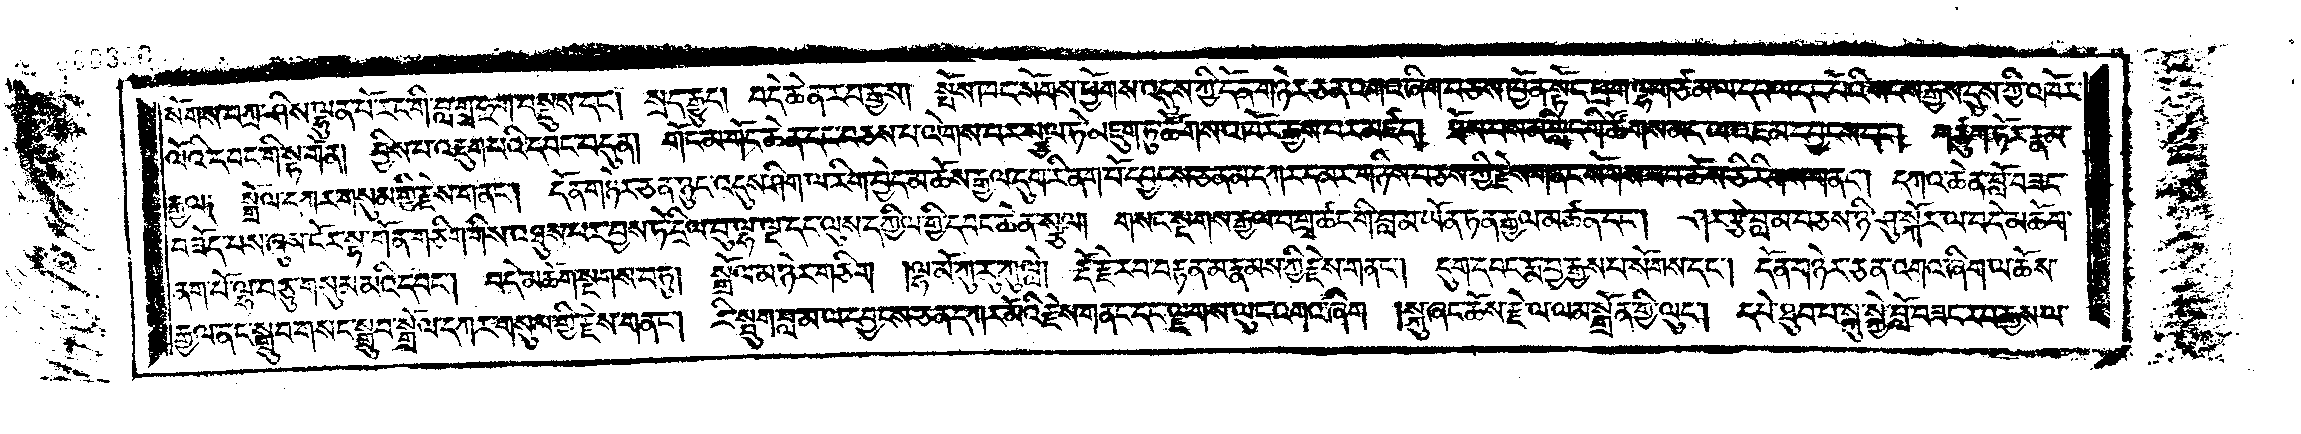སོགས་བཀྲ་ཤིས་ལྷུན་པོ་རང་གི་བླ་གྲྭ་ཧྲག་བསྡུས་དང་། སྲད་རྒྱུད། བདེ་ཆེན་རབ་རྒྱས། སྤོས་ཁང་སོགས་ཕྱོགས་འདུས་ཀྱི་དོན་གཉེར་ཅན་འགའ་ཞིག་བཅས་ཁྱོན་སྟོང་ཕྲག་ལྷག་ཙམ་ལ་དཔལ་དང་པོའི་སངས་རྒྱས་དུས་ཀྱི་འཁོར་
ལོའི་དབང་གི་སྟ་གོན། བྱིས་པ་འཇུག་པའི་དབང་བདུན། གོང་མ་གོང་ཆེན་དང་བཅས་པ་ལེགས་པར་སྩལ་ཏེ་མཇུག་ཏུ་ཚོགས་འཁོར་རྒྱས་བར་མཛད། ཐོས་བསམ་གླིང་གི་ཚོགས་མང་ལ་འཇམ་དབྱངས་དང་། གཙུག་ཏོར་རྣམ་
རྒྱལ༑ སྒྲོལ་དཀར་གསུམ་གྱི་རྗེས་གནང་། དོན་གཉེར་ཅན་ཉུང་འདུས་ཤིག་ལ་རིག་བྱེད་མ་ཆོས་རྒྱལ་དུག་རི་ནག་པོ་དབྱངས་ཅན་མ་དཀར་དམར་གཉིས་བཅས་ཀྱི་རྗེས་གནང་སོགས་ཐབ་ཆོས་ཅི་རིགས་གནང་། དཀའ་ཆེན་བློ་བཟང་
བཟོད་པས་ཞུས་ངོར་སྟ་གོན་གཅིག་གིས་འཐུས་པར་བྱས་ཏེ་དྲིལ་བུ་ལྷ་ལྔ་དང་ལུས་དཀྱིལ་གྱི་དབང་ཆེན་སྩལ། གསང་སྔགས་རྒྱལ་བ་གྲྭ་ཚང་གི་བླ་མ་ཡོན་ཏན་རྒྱལ་མཚན་དང་། ཤར་རྩེ་བླ་མ་བཅས་ཉི་ཤུ་སྐོར་ལ་བདེ་མཆོག་
ནག་པོ་ལྷ་བཅུ་གསུམ་མའི་དབང་། བདེ་མཆོག་སྔགས་བཏུ། སྒྲོལ་མ་ཉེར་གཅིག །ལྷ་མོ་ཀུ་རུ་ཀུལླེ། རྡོ་རྗེ་རབ་བརྟན་མ་རྣམས་ཀྱི་རྗེས་གནང་། དུག་དབང་རྨ་བྱ་རྒྱས་པ་སོགས་དང་། དོན་གཉེར་ཅན་འགའ་ཞིག་ལ་ཆོས་
རྒྱལ་ནང་སྒྲུབ་གསང་སྒྲུབ་སྒྲོལ་དཀར་གསུམ་གྱི་རྗེས་གནང་། རི་སྤུག་བླ་མ་ལ་དབྱངས་ཅན་དཀར་མོའི་རྗེས་གནང་དང་ལྗགས་ལུང་འགའ་ཞིག །སྐུ་ཞང་ཆོས་རྗེ་ལ་ལམ་སྒྲོན་གྱི་ལུང་། དཔེ་ཐུབ་པ་སྐུ་སྐྱེ་བློ་བཟང་རབ་རྒྱས་ལ་